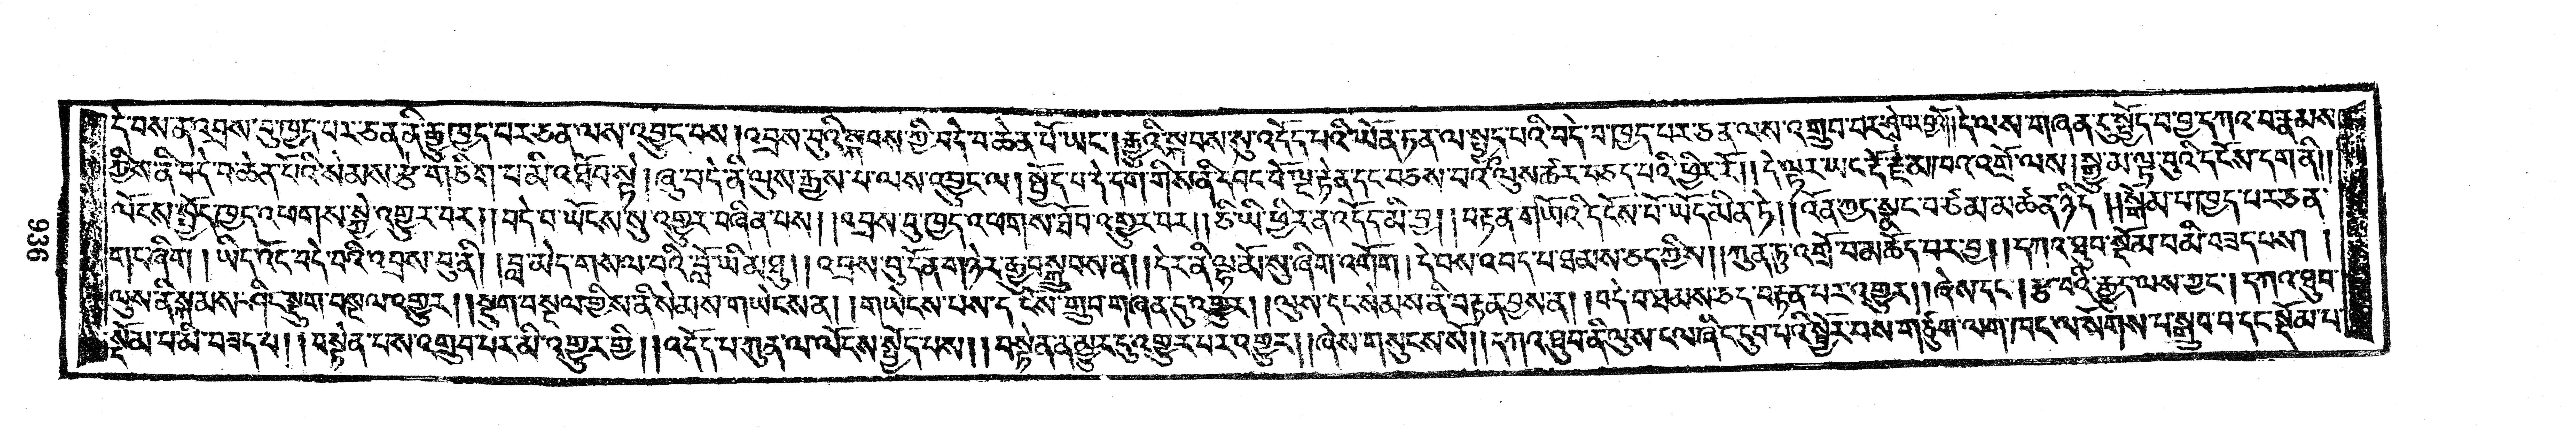དེ་བས་ན་འབྲས་བུ་ཁྱད་པར་ཅན་ནི་རྒྱུ་ཁྱད་པར་ཅན་ལས་འབྱུང་བས། འབྲས་བུའི་སྐབས་ཀྱི་བདེ་བ་ཆེན་པོ་ཡང་། རྒྱུའི་སྐབས་སུ་འདོད་པའི་ཡོན་ཏན་ལ་སྤྱད་པའི་བདེ་བ་ཁྱད་པར་ཅན་ལས་འགྲུབ་པ་དེ་ལས་གཞན་དུ་སྤྱོད་པ་བྱ་དཀའ་བ་རྣམས་
ཀྱིས་ནི་བདེ་བ་ཆེན་པོའི་སེམས་རྩེ་གཅིག་པ་མི་འཐོབ་སྟེ། ཞུ་བདེ་ནི་ལུས་རྒྱས་པ་ལས་འབྱུང་ལ། སྤྱོད་པ་དེ་དག་གིས་ནི་དབང་པོ་ལྔ་རྟེན་དང་བཅས་པའི་ལུས་ཚར་བཅད་པའི་ཕྱིར་རོ། །དེ་ལྟར་ཡང་རྡོ་རྗེ་མཁའ་འགྲོ་ལས། སྒྱུ་མ་ལྟ་བུའི་དངོས་དག་ནི། །
ལོངས་སྤྱོད་ཁྱད་འཕགས་སྐྱེ་འགྱུར་བར། །བདེ་བ་ཡོངས་སུ་འགྱུར་བཞིན་པས། །འབྲས་བུ་ཁྱད་འཕགས་ཐོབ་འགྱུར་བར། །ཅི་ཡི་ཕྱིར་ན་འདོད་མི་བྱ། །བརྟན་གཡོའི་དངོས་པོ་ཡོད་མིན་ཏེ། །འོན་ཀྱང་སྣང་བ་ཙམ་མཚན་ཉིད། །སྒོམ་པ་ཁྱད་པར་ཅན་
གང་ཞིག །ཡིད་འོང་བདེ་བའི་འབྲས་བུ་ནི། །བླ་མེད་གསལ་བའི་བློ་ཡི་མཐུ། །འབྲས་བུ་དོན་གཉེར་རྒྱུ་བསྒྲུབས་ན། །དེར་ནི་ལྷ་མོ་སུ་ཞིག་འགོག །དེ་བས་འབད་པ་ཐམས་ཅད་ཀྱིས། །ཀུན་ཏུ་འགྲོ་བ་མཆོད་པར་བྱ། །དཀའ་ཐུབ་སྡོམ་པ་མི་བཟད་པས། །
ལུས་ནི་སྐམས་ཤིང་སྡུག་བསྔལ་འགྱུར། །སྡུག་བསྔལ་གྱིས་ནི་སེམས་གཡེངས་ན། །གཡེངས་པས་དངོས་གྲུབ་གཞན་དུ་འགྱུར། །ལུས་དང་སེམས་ནི་བརྟན་བྱས་ན། །བདེ་བ་ཐམས་ཅད་བརྟན་པར་འགྱུར། །ཞེས་དང་། རྩ་བའི་རྒྱུད་ལས་ཀྱང་། དཀའ་ཐུབ་
སྡོམ་པ་མི་བཟད་པ། །བསྟེན་པས་འགྲུབ་པར་མི་འགྱུར་གྱི། །འདོད་པ་ཀུན་ལ་ལོངས་སྤྱོད་པས། །བསྟེན་ན་མྱུར་དུ་འགྱུར་བར་འགྱུར། །ཞེས་གསུངས་སོ། །དཀའ་ཐུབ་ནི་ལུས་ངལ་ཞིང་དུབ་པའི་སྦྱོར་བས་གཙུག་ལག་ཁང་ལ་སོགས་པ་སྒྲུབ་པ་དང་སྡོམ་པ་